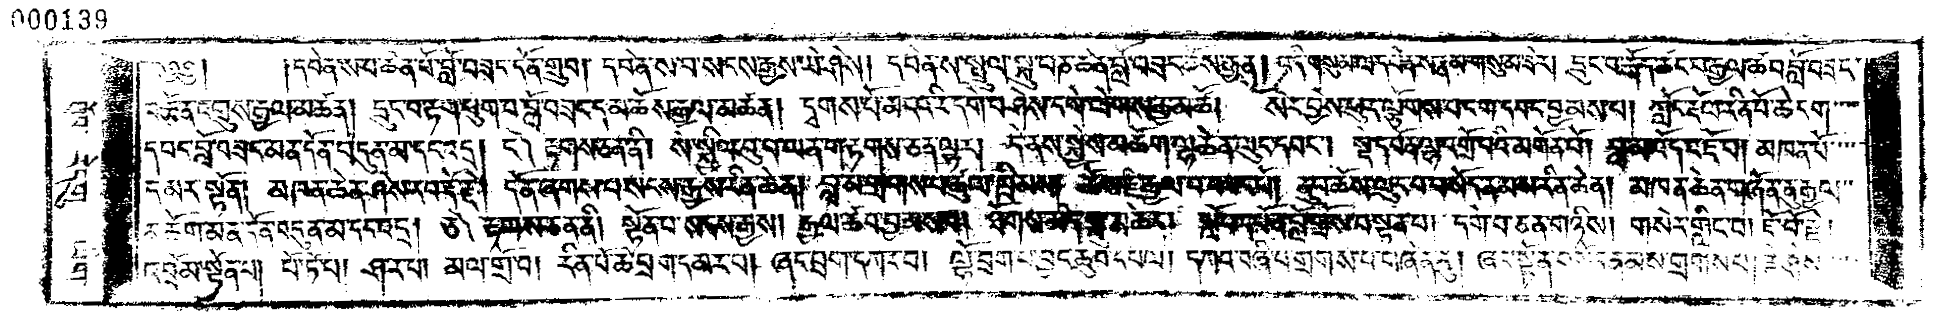༄༅། །དབེན་ས་པ་ཆེན་པོ་བློ་བཟང་དོན་གྲུབ། དབེན་ས་པ་སངས་རྒྱས་ཡེ་ཤེས། དབེན་ས་སྤྲུལ་སྐུ་པཎ་ཆེན་བློ་བཟང་ཆོས་རྒྱན། འདི་གསུམ་ལ་དབེན་ས་རྣམ་གསུམ་ཟེར།  དྲུང་བ་རྒོད་ཚང་བ་རྒྱལ་ཚབ་བློ་བཟང་
བརྩོན་འགྲུས་རྒྱལ་མཆོན། དྲུང་བ་རྟག་ཕུག་པ་བློ་བཟང་དམ་ཆོས་རྒྱལ་མཚན། དྭགས་པོ་མངའ་རི་དགེ་བཤེས་དགེ་ལེགས་རྒྱ་མཚོ། སེར་བྱེས་ཕུར་ལྕོགས་པ་ངག་དབང་བྱམས་པ། ཀློང་རྡོལ་རིན་པོ་ཆེ་ངག་
དབང་བློ་བཟང་མན་དོན་བདུན་མ་དང་འདྲ། ༼ང༽ རྟགས་ཅན་ནི། སེ་སྐྱིལ་བུ་པ་ཡན་ག་རྟགས་ཅན་ལྟར། དེ་ནས་སྐྱིས་མཆོག་ལྷ་ཆེན་ལུང་དབང་། སྡེ་དབོན་ལྷ་འགྲོ་བའི་མགོན་པོ། བླ་མ་འོད་འཇོ་བ། མཁན་པོ་
དམར་སྟོན། མཁན་ཆེན་ཤེས་རབ་རྡོ་རྗེ། དོན་ཞགས་པ་སངས་རྒྱས་རིན་ཆེན། བླ་མ་གྲགས་པ་ཚུལ་ཁྲིམས། ཆོས་རྗེ་རྒྱལ་བ་བཟང་པོ། ནུབ་ཆོས་ལུང་བ་བསོད་ནམས་རིན་ཆེན། མཁན་ཆེན་གཞོན་ནུ་རྒྱལ་
མཆོག་མན་དོན་བདུན་མ་དང་འདྲ། ༼ཅ༽ རྟགས་ཅན་ནི། སྟོན་པ་སངས་རྒྱས། རྒྱལ་ཚབ་བྱམས་པ། ཐོགས་མེད་སྐུ་མཆེད། སློབ་དཔོན་བློ་གྲོས་བསྟན་པ། དགེ་བ་ཅན་གཉིས། གསེར་གླིང་བ། ཇོ་བོ་རྗེ།
འབྲོམ་སྟོན་པ། པོ་ཏོ་པ། ཤ་ར་པ། མལ་གྲོ་བ། རིན་པོ་ཆེ་བྲག་དམར་བ། ཞང་བྲག་དཀར་བ། ལྷོ་བྲག་པ་བྱང་ཆུབ་དཔལ། དཀའ་བཞི་པ་གྲགས་པ་གཞོན་ནུ། ཞང་སྟོན་བསོད་ནམས་གྲགས་པ། རྗེ་ཤེས་